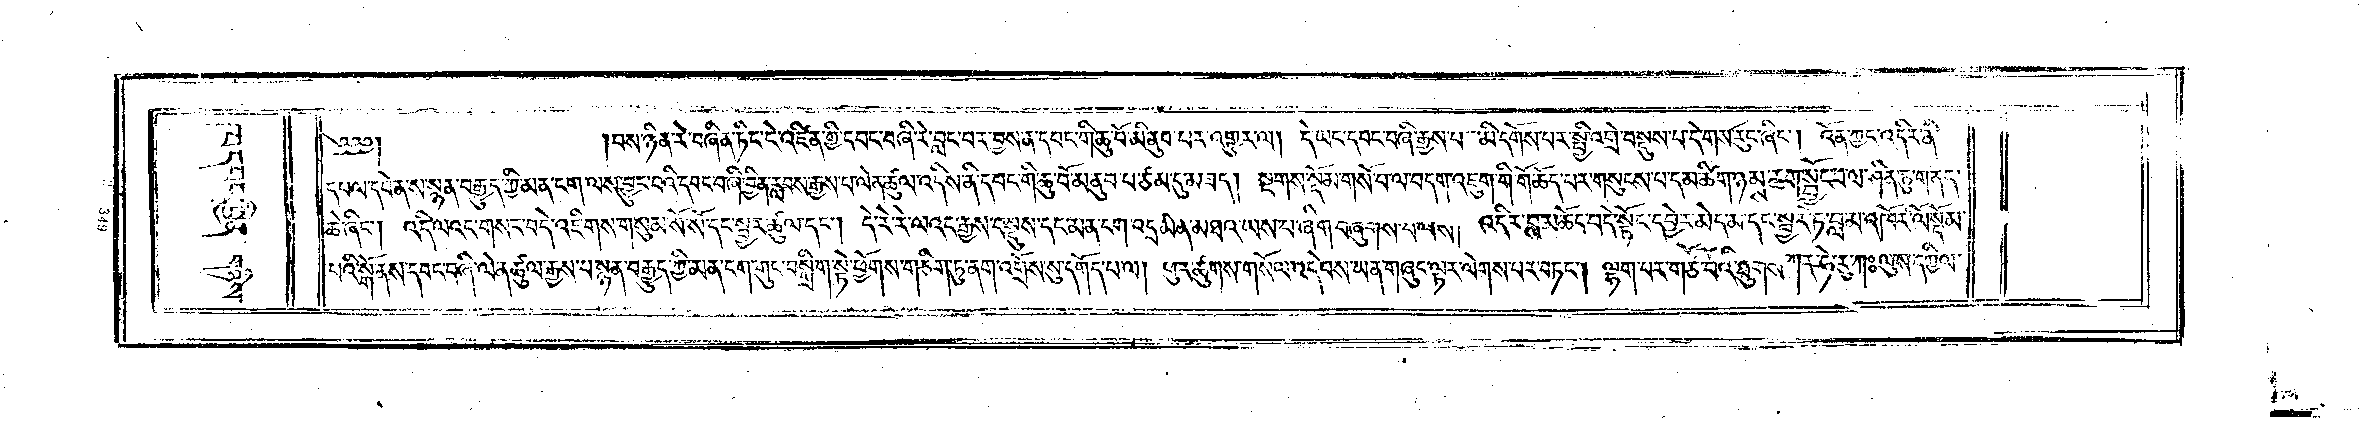༄༅༅། །བས་ཉིན་རེ་བཞིན་ཏིང་ངེ་འཛིན་གྱི་དབང་བཞི་རེ་བླང་བར་བྱས་ན་དབང་གི་ཆུ་བོ་མི་ནུབ་པར་འགྱུར་ལ། དེ་ཡང་དབང་བཞི་རྒྱས་པ་མི་དགོས་པར་སྤྱི་འགྲེ་བསྡུས་པ་དེ་གས་རུང་ཞིང་། འོན་ཀྱང་འདིར་ནི་
དཔལ་དབེན་ས་སྙན་བརྒྱུད་ཀྱི་མན་ངག་ལས་བྱུང་བའི་དབང་བཞི་བྱིན་རླབས་རྒྱས་པ་ལེན་ཚུལ་འདིས་ནི་དབང་གི་ཆུ་བོ་མ་ནུབ་པ་ཙམ་དུ་མ་ཟད། སྔགས་སྡོམ་གསོ་བ་ལ་བདག་འཇུག་གི་གོ་ཆོད་པར་གསུངས་པ་དམ་ཚིག་ཉམས་ཆག་སྦྱོང་བ་ལ་ཤིན་ཏུ་གནད་
ཆེ་ཞིང་། འདི་ལའང་གསང་བདེ་འཇིགས་གསུམ་སོ་སོ་དང་སྦྱར་ཚུལ་དང་། དེ་རེ་རེ་ལའང་རྒྱས་བསྡུས་དང་མན་ངག་འདྲ་མིན་མཐའ་ཡས་བ་ཞིག་བཞུགས་པ་ལས། འདིར་བླ་མཆོད་བདེ་སྟོང་དབྱེར་མེད་མ་དང་སྦྱར་ཏེ་བླ་མ་འཁྲོ་ལོ་སྡོམ་
པའི་སྒོ་ནས་དབང་བཞི་ལེན་ཚུལ་རྒྱས་པ་སྙན་བརྒྱུད་ཀྱི་མན་ངག་གུང་བསྒྲིག་སྟེ་ཕྱོགས་གཅིག་ཏུ་ནག་འགྲོས་སུ་དགོད་པ་ལ། ཕུར་ཚུགས་གསོལ་འདེབས་ཡན་གཞུང་ལྟར་ལེགས་པར་བཏང་། ལྷག་པར་གཙོ་བོའི་ཐུགས་ཀར་ཧེ་རུ་ཀཿལུས་དཀྱིལ་